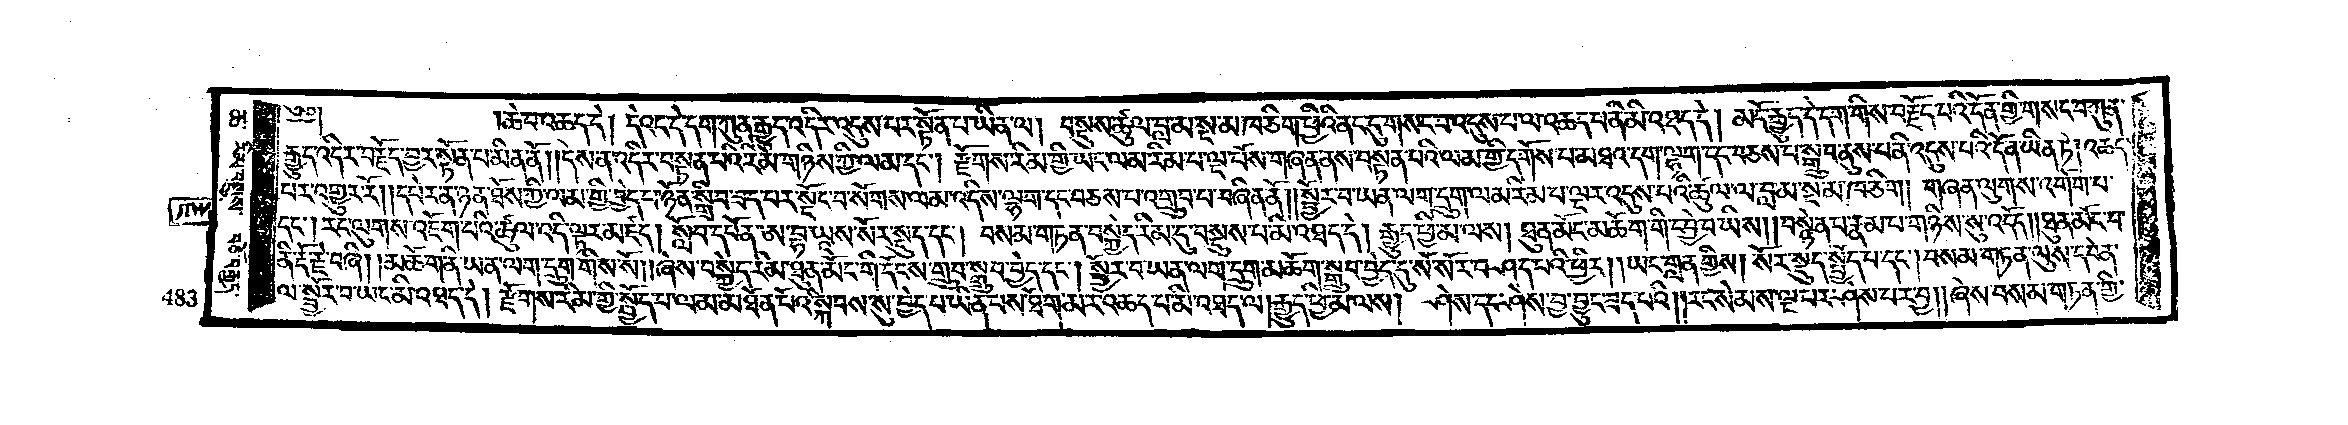༄༅། །ཆེ་བ་འཆད་དེ། དེའང་དེ་དག་ཀུན་རྒྱུད་འདིར་འདུས་པར་སྟོན་པ་ཡིན་ལ། བསྡུས་ཚུལ་བླ་མ་སྔ་མ་ཁ་ཅིག་ཕྱིའི་ནང་དུ་གསང་བ་འདུས་པ་ལ་འཆད་པ་ནི་མི་འཐད་དེ། མདོ་རྒྱུད་དེ་དག་གིས་བརྗོད་པའི་དོན་གྱི་གསང་བ་ཀུན་
རྒྱུད་འདིར་བརྗོད་བྱར་སྟོན་པ་མིན་ནོ། །དས་ན་འདིར་བསྟན་པའི་རིམ་གཉིས་ཀྱི་ལམ་དང་། རྫོགས་རིམ་གྱི་ཡང་ལམ་རིམ་པ་ལྔ་པོས་གཞན་ནས་བསྟན་པའི་ལམ་གྱི་དགོས་པ་མཐའ་དག་ལྷག་དང་བཅས་པ་སྒྲུབ་ནུས་པ་ནི་འདུས་པའི་དོན་ཡིན་ཏེ། འཆད་
པར་འགྱུར་རོ། །དཔེར་ན་ཉན་ཐོས་ཀྱི་ལམ་གྱི་བྱེད་པ་ཉོན་སྒྲིབ་ཟད་པར་སྤོང་བ་སོགས་ལམ་འདིས་ལྷག་དང་བཅས་པ་འགྲུབ་པ་བཞིན་ནོ། །སྦྱོར་བ་ཡན་ལག་དྲུག་ལམ་རིམ་པ་ལྔར་འདུས་པའི་ཚུལ་ལ་བླ་མ་སྔ་མ་ཁ་ཅིག །གཞན་ལུགས་འགོག་པ་
དང་། རང་ལུགས་འཇོག་པའི་ཚུལ་འདི་ལྟར་མཛད། སློབ་དཔོན་ཨ་བྷ་ཡཱས་སོར་སྡུད་དང་། བསམ་གཏན་བསྐྱེད་རིམ་དུ་བསྡུས་པ་མི་འཐད་དེ། རྒྱུད་ཕྱི་མ་ལས། ཐུན་མོང་མཆོག་གི་དབྱེ་བ་ཡིས། །བསྙེན་པ་རྣམ་པ་གཉིས་སུ་འདོད། །ཐུན་མོང་བ་
ནི་རྡོ་རྗེ་བཞི། །མཆོག་ནི་ཡན་ལག་དྲུག་གིས་སོ། །ཞེས་བསྐྱེད་རིམ་ཐུན་མོང་གི་དངོས་གྲུབ་སྒྲུབ་བྱེད་དང་། སྦྱོར་བ་ཡན་ལག་དྲུག་མཆོག་སྒྲུབ་བྱེད་དུ་སོ་སོར་བཤད་པའི་ཕྱིར། ཡང་ཀླན་གྱིས། སོར་སྡུད་སྤྱོད་པ་དང་། བསམ་གཏན་ལུས་དབེན་
ལ་སྦྱོར་བ་ཡང་མི་འཐད་དེ། རྫོགས་རིམ་གྱི་སྤྱོད་པ་ལམ་མཐོན་པོའི་སྐབས་སུ་བྱེད་པ་ཡིན་པས་ཐོག་མར་འཆད་པ་མི་འཐད་ལ། རྒྱུད་ཕྱི་མ་ལས། ཤེས་དང་ཤེས་བྱ་བྱུང་ཟད་པའི། །རང་སེམས་ལྔ་པར་ཤེས་པར་བྱ། །ཞེས་བསམ་གཏན་གྱི་